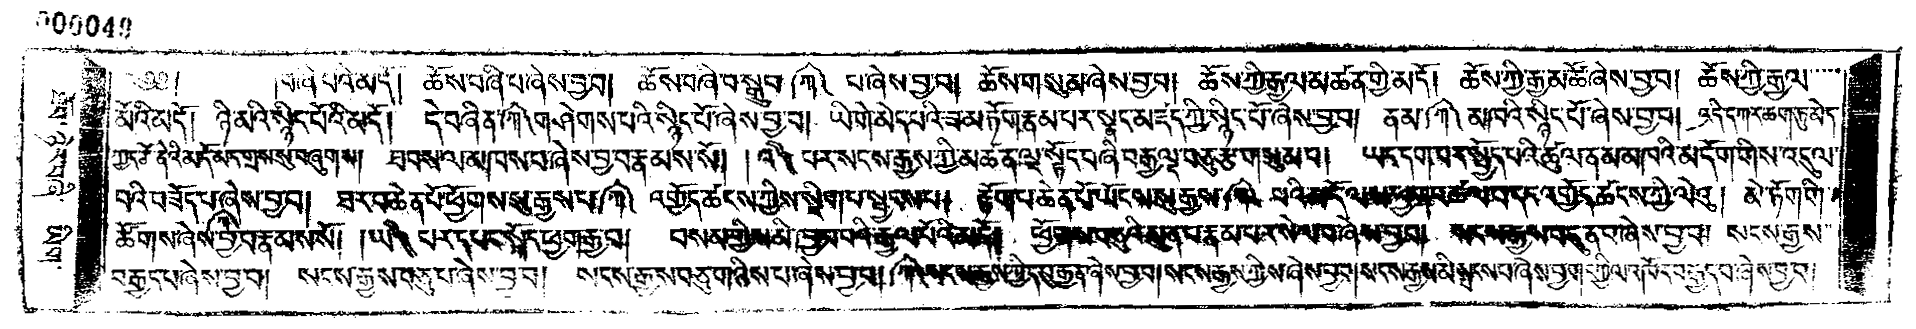༄༅། །བཞི་པའི་མདོ། ཆོས་བཞི་པ་ཞེས་བྱ་བ། ཆོས་བཞི་བ་སྒྲུབ ༼ཀ༽ པ་ཞེས་བྱ་བ། ཆོས་གསུམ་ཞེས་བྱ་བ། ཆོས་ཀྱི་རྒྱལ་མཚན་གྱི་མདོ། ཆོས་ཀྱི་རྒྱ་མཚོ་ཞེས་བྱ་བ། ཆོས་ཀྱི་རྒྱལ་
མོའི་མདོ། ཉི་མའི་སྙིང་པོའི་མདོ། དེ་བཞིན ༼ཀ༽ གཤེགས་པའི་སྙིང་པོ་ཞེས་བྱ་བ། ཡི་གེ་མེད་པའི་ཟ་མ་ཏོག་རྣམ་པར་སྣང་མཛད་ཀྱི་སྙིང་པོ་ཞེས་བྱ་བ། ནམ ༼ཀ༽ མཁའི་སྙིང་པོ་ཞེས་བྱ་བ་འདི་དཀར་ཆག་ཏུ་མེད་
ཀྱང་ནོ?་ནེའི་མདོ་མང་གྲས་སུ་བཞུགས། ཐབས་ལ་མཁས་པ་ཞེས་བྱ་བ་རྣམས་སོ། །འ༼༽ པར་སངས་རྒྱས་ཀྱི་མཚན་ལྔ་སྟོང་བཞི་བརྒྱ་ལྔ་བཅུ་རྩ་གསུམ་པ། ཡང་དག་པར་སྤྱོད་པའི་ཚུལ་ནམ་མཁའི་མདོག་གིས་འདུལ་
བའི་བཟོད་པ་ཞེས་བྱ་བ། ཐར་བ་ཆེན་པོ་ཕྱོགས་སུ་རྒྱས་པ ༼ཀ༽ འགྱོད་ཚངས་ཀྱིས་སྡིག་པ་སྦྱངས་པ། རྟོག་པ་ཆེན་པོ་ཡོངས་སུ་རྒྱས ༼ཀ༽ པའི་མདོ་ལས་ཕྱག་འཚལ་བ་དང་འགྱོད་ཚངས་ཀྱི་ལེའུ། མེ་ཏོག་གི་
ཚོགས་ཞེས་བྱ་བ་རྣམས་སོ། །ཡ༼༽ པར་དཔང་སྐོད་ཕྱག་རྒྱ་བ། བསམ་གྱིས་མི་ཁྱབ་པའི་རྒྱལ་པོའི་མདོ། ཕྱོགས་བཅུའི་མུན་པ་རྣམ་པར་སེལ་བ་ཞེས་བྱ་བ། སངས་རྒྱས་བདུན་པ་ཞེས་བྱ་བ། སངས་རྒྱས་
བརྒྱད་པ་ཞེས་བྱ་བ། སངས་རྒྱས་བཅུ་པ་ཞེས་བྱ་བ། སངས་རྒྱས་བཅུ་གཉིས་པ་ཞེས་བྱ་བ། ༼ཀ༽ སངས་རྒྱས་ཀྱི་དབུ་རྒྱན་ཞེས་བྱ་བ། སངས་རྒྱས་ཀྱིས་ཞེས་བྱ་བ། སངས་རྒྱས་མི་སྤངས་པ་ཞེས་བྱ་བ། དཀྱིལ་འཁོར་བརྒྱད་བ་ཞེས་བྱ་བ།